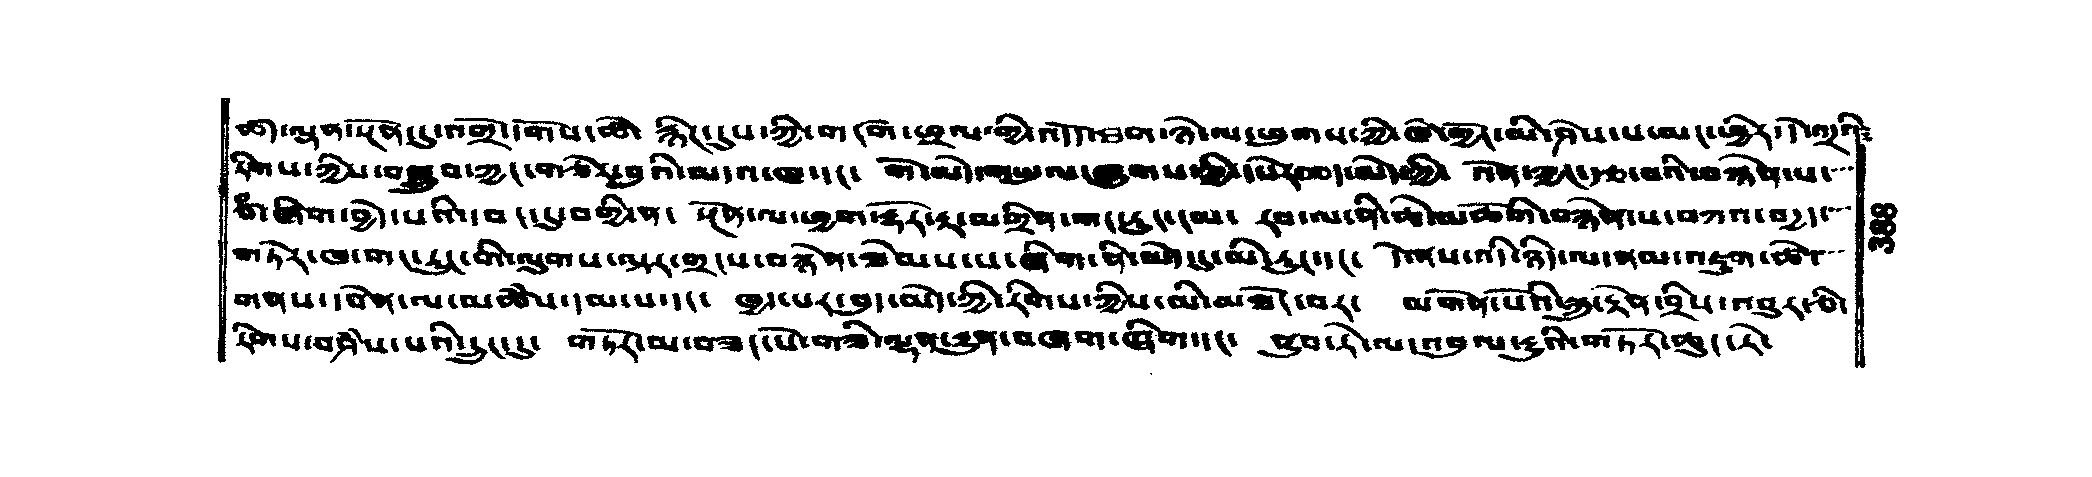ཚད་ལྡན་སྔོན་དུ་འགྲོ་དགོས་ཚེ། སྙིགས་དུས་ཀྱི་གདམས་ངག་ཕྲལ་གྱི་འདོད་ཐག་ཉེ་ལ་ཕུགས་ཀྱི་ཁེ་གྱོང་མི་ཤེས་པ་མང་ཕྱིར་དེ་འདྲའི་
རིགས་ཀྱིས་བསྒྲུབ་ཀྱང་གཅེར་བུའི་མདའ་ཁ་དང་།གོ་མེད་ཡུལ་ཞུགས་ཀྱི་དཔེར་ཟད་མོད་ཀྱི། འོན་ཀྱང་རྩ་བའི་བསྙེན་པ་
ཙམ་ཞིག་བྱེད་པའི་དབང་དུ་བགྱི་ན། སྔོན་ལ་ཕྱག་རྡོར་རྟ་མགྲིན་གང་རུང་ངམ། རབ་ལ་ནི་ཆེ་མཆོག་གི་བསྙེན་པ་བཀའ་བརྒྱད་
གཏེར་ཁ་གང་རུང་གི་ལུགས་ལྟར་གྲངས་བསྙེན་ཐེམས་པ་ཞིག་ནི་མེད་དུ་མི་རུང་དང་། དེ་ནས་འདི་ཉིད་ལ་ནམ་འཇུག་ཚེ་
གནས་དབེན་ལ་མཚམས་དམ་པ་དང་། ཁྱད་པར་བུད་མེད་ཀྱི་རིགས་ཀྱིས་མི་མཐོང་བར། མགོན་པོའི་སྐུ་རྟེན་བྲིས་འབུར་ཅི་
རིགས་བཤམས་པའི་དྲུང་དུ། གཏོར་མ་བཟང་པོ་གཟི་ལྡན་རྒྱུན་བཞག་ཞིག་དང་། ནུབ་རེ་ལ་འབུལ་རྒྱུའི་གཏོར་ཆུང་རེ།